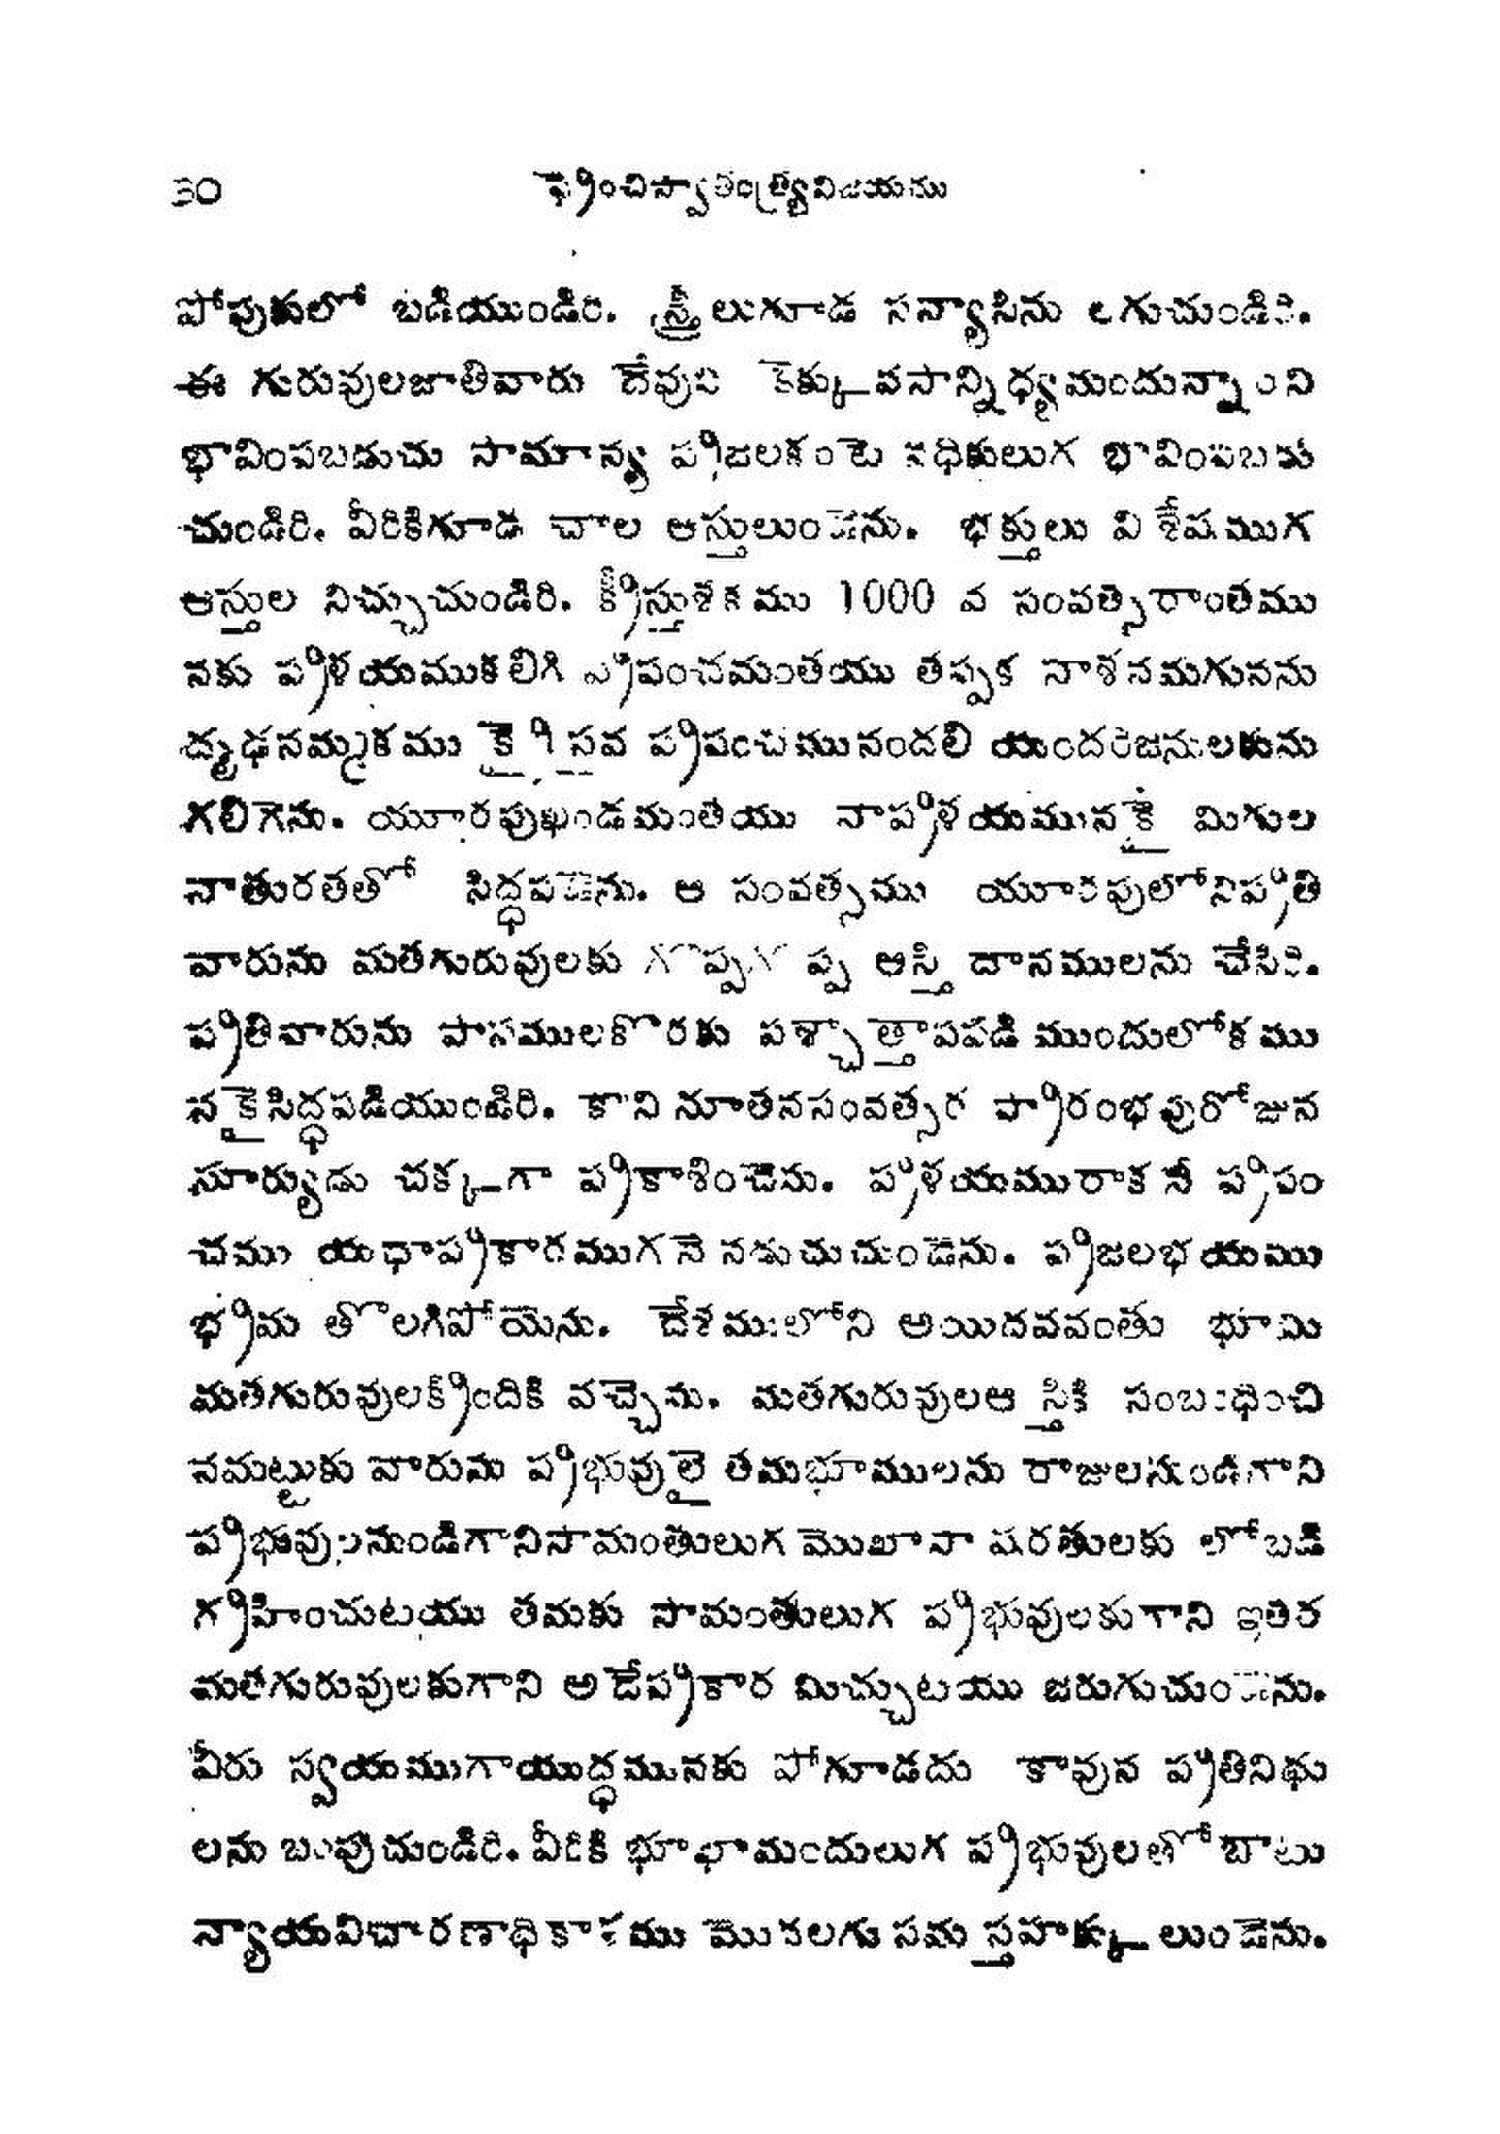పోపుకులో బడియుండిరి. స్త్రీలుగూడ సన్యాసిను లగుచుండిరి.
ఈ గురువులజూతి వారు దేవుని కెక్కువసాన్నిధ్య మందున్నారని
భావింపబడుచు సామాన్య ప్రజలకంటే వధికులుగ భావింపబడు
చుండిరి. వీరికి గూడ చాల ఆస్తులుండెను. భక్తులు విశేషముగ
ఆస్తుల నిచ్చుచుండిరి. క్రీస్తుశకము 1000 వ సంవత్సరాంతము
నకు ప్రళయము కలిగి ప్రపంచమంతయు తప్పక నాశనమగునను
దృఢనమ్మకము కైస్తవ ప్రపంచము నందలి యందరిజనులకును
గలిగెను. యూరపుఖండమంతయు నాప్రళయమున కై మిగుల
నాతురతతో సిద్ధపడెను. ఆ సంవత్సము యూరపులోని ప్రతి
వారును మతగురువులకు గొప్ప, గొప్ప ఆస్తి దానములను చేసి.
ప్రతి వారును పాసములకొరకు పశ్చాత్తాపపడి ముందులోక ఘు
న కై సిద్ధపడియుండిరి. కాని నూతన సంవత్సర ప్రారంభ పురోజున
సూర్యుడు చక్కగా ప్రకాశించెను. ప్రళయమురాక నీ ప్రపం
చము యధాప్రకారముగ నే నడుచుచుండెను. ప్రజలభయము
భ్రమ తొలగిపోయెను. దేశములోని అయిదవవంతు భూమి
మతగురువుల కిందికి వచ్చెను. మతగురువుల ఆస్తికి సంబంధించి
నమట్టుకు వారును ప్రభువులై తముభూములను రాజులనుండి గాని
ప్రభువుల నుండి గాని సామంతులుగ మొఖానా షరతులకు లోబడి
గ్రహించుటయు తమకు సామంతులుగా ప్రభువులకు గాని ఇతర
మతగురువులకు గాని అదే ప్రకార మిచ్చుటయు జరుగుచుండెసు.
వీరు స్వయముగా యుద్ధమునకు పోగూడదు కావున ప్రతినిధు
లను బంఫుచుండిరి. వీరికి భూఖామందులుగ ప్రభువులతో బాటు
న్యాయవిచారణాధికారము మొదలగు సమస్త హక్కులుండెను.